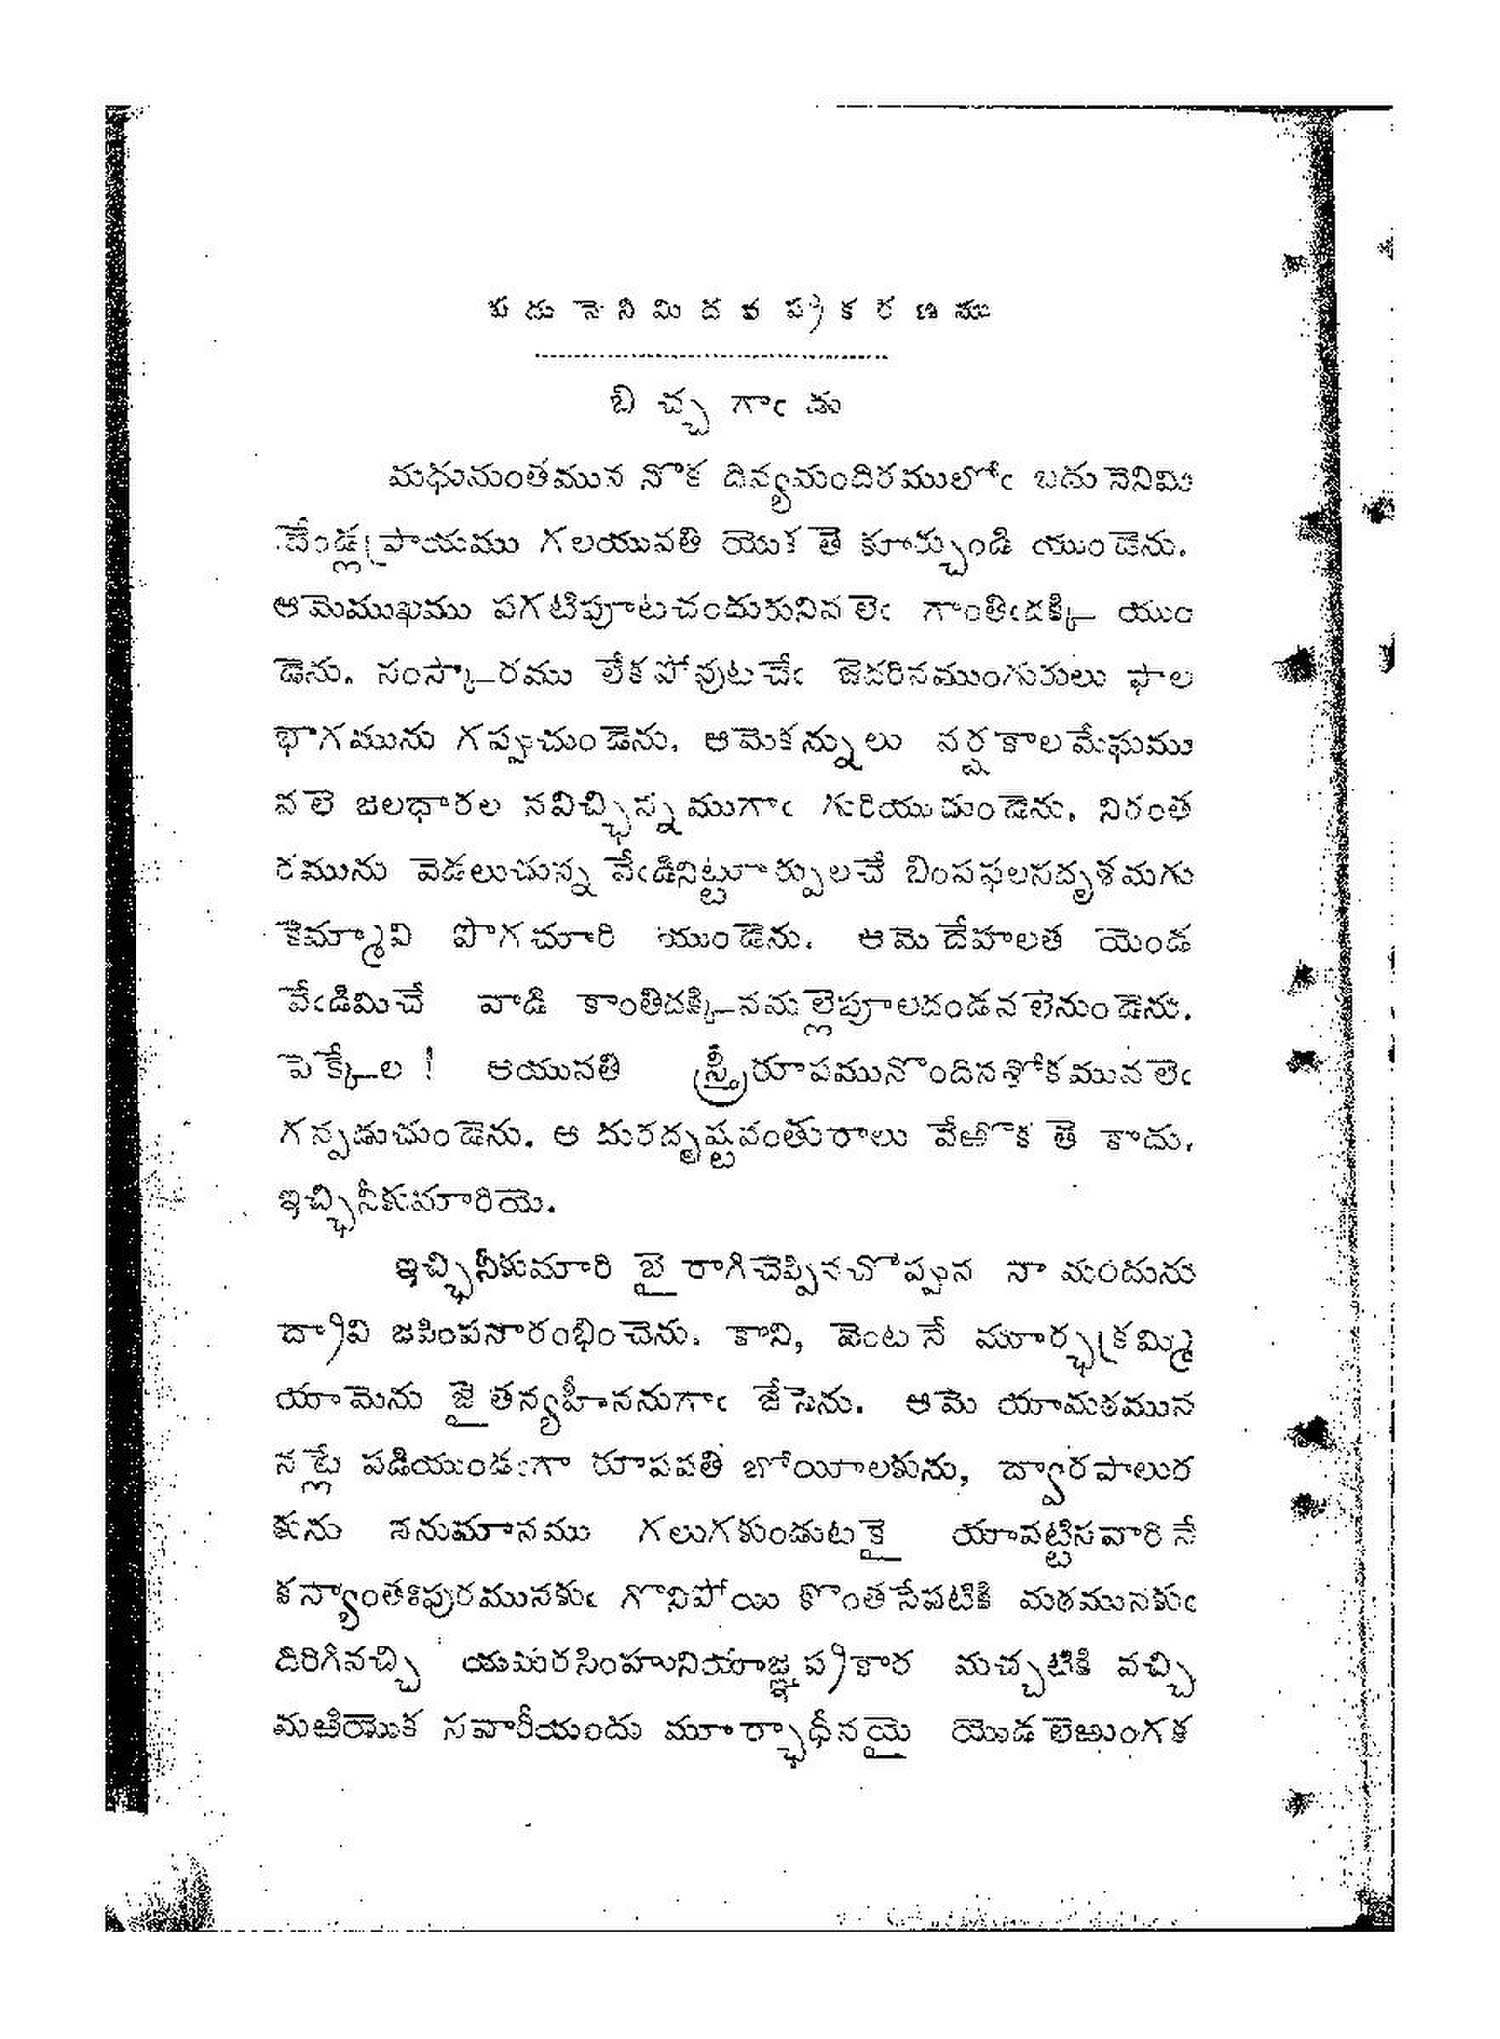మధుమంతమున నొక దివ్యమందిరములోఁ బదు నెనిమి దేండ్లడ్ల ప్రాయుము గలయువతి యొకతె కూర్చుండి యుండెను. ఆమె ముఖము పగటిపూటచందుకునివలె:గాంతిదక్కి యుం డెను. సంస్కారము లేకపోవుటచేఁ జెదరిన ముంగురులు ఫాల భాగమును గప్పుచుండెను. ఆమెకన్నులు నరకాల మేఘము వలే జలధారల ననిచ్ఛిన్న ముగాఁ గురియుచుండెను. నిరంత రమును వెడలుచున్న నేఁడినిట్టూర్పులచే బింపఫలసదృశమగు - కేమ్మాని పొగచూరి 'యుండెను. ఆమె దేహలత యెండ వేడిమిచే వాడి కొంతిదక్కినను మల్లెపూలదండ వలె నుండెను. పెక్కేల ఆయునతి స్త్రీ రూపమునొందినశోకమున లేఁ గంపడుచుండెను. ఆ దురదృష్ట వంతురాలు వేఱొక తె కాదు, ఇచ్చినకు మారియె.

ఇచ్ఛినీకుమారి బై రాగి చెప్పిన చోప్పున నా మందును దాని జపింపనారంభించెను. కాని, వెంటనే మూర్ఛక్రమ్మి యామెను జైతన్యహీననుగాఁ జేసెను. ఆమే యామఠమున నట్లే పడియుండగా రూపపతి బోయీలకును, ద్వార పాలుర క్షను ననుమానము గలుగకుండుటకై యాపట్టిసవారి నే కన్యాంతఃపురమునకుఁ గొనిపోయి కొంత సేపటికి మఠమునకు డిరిగివచ్చి యమరసింహునియాజ్ఞ ప్రకార మచ్చటికి వచ్చి మఱియొక సవారీయందు మూర్ఛాధీనయై యొడ లేఱుంగక